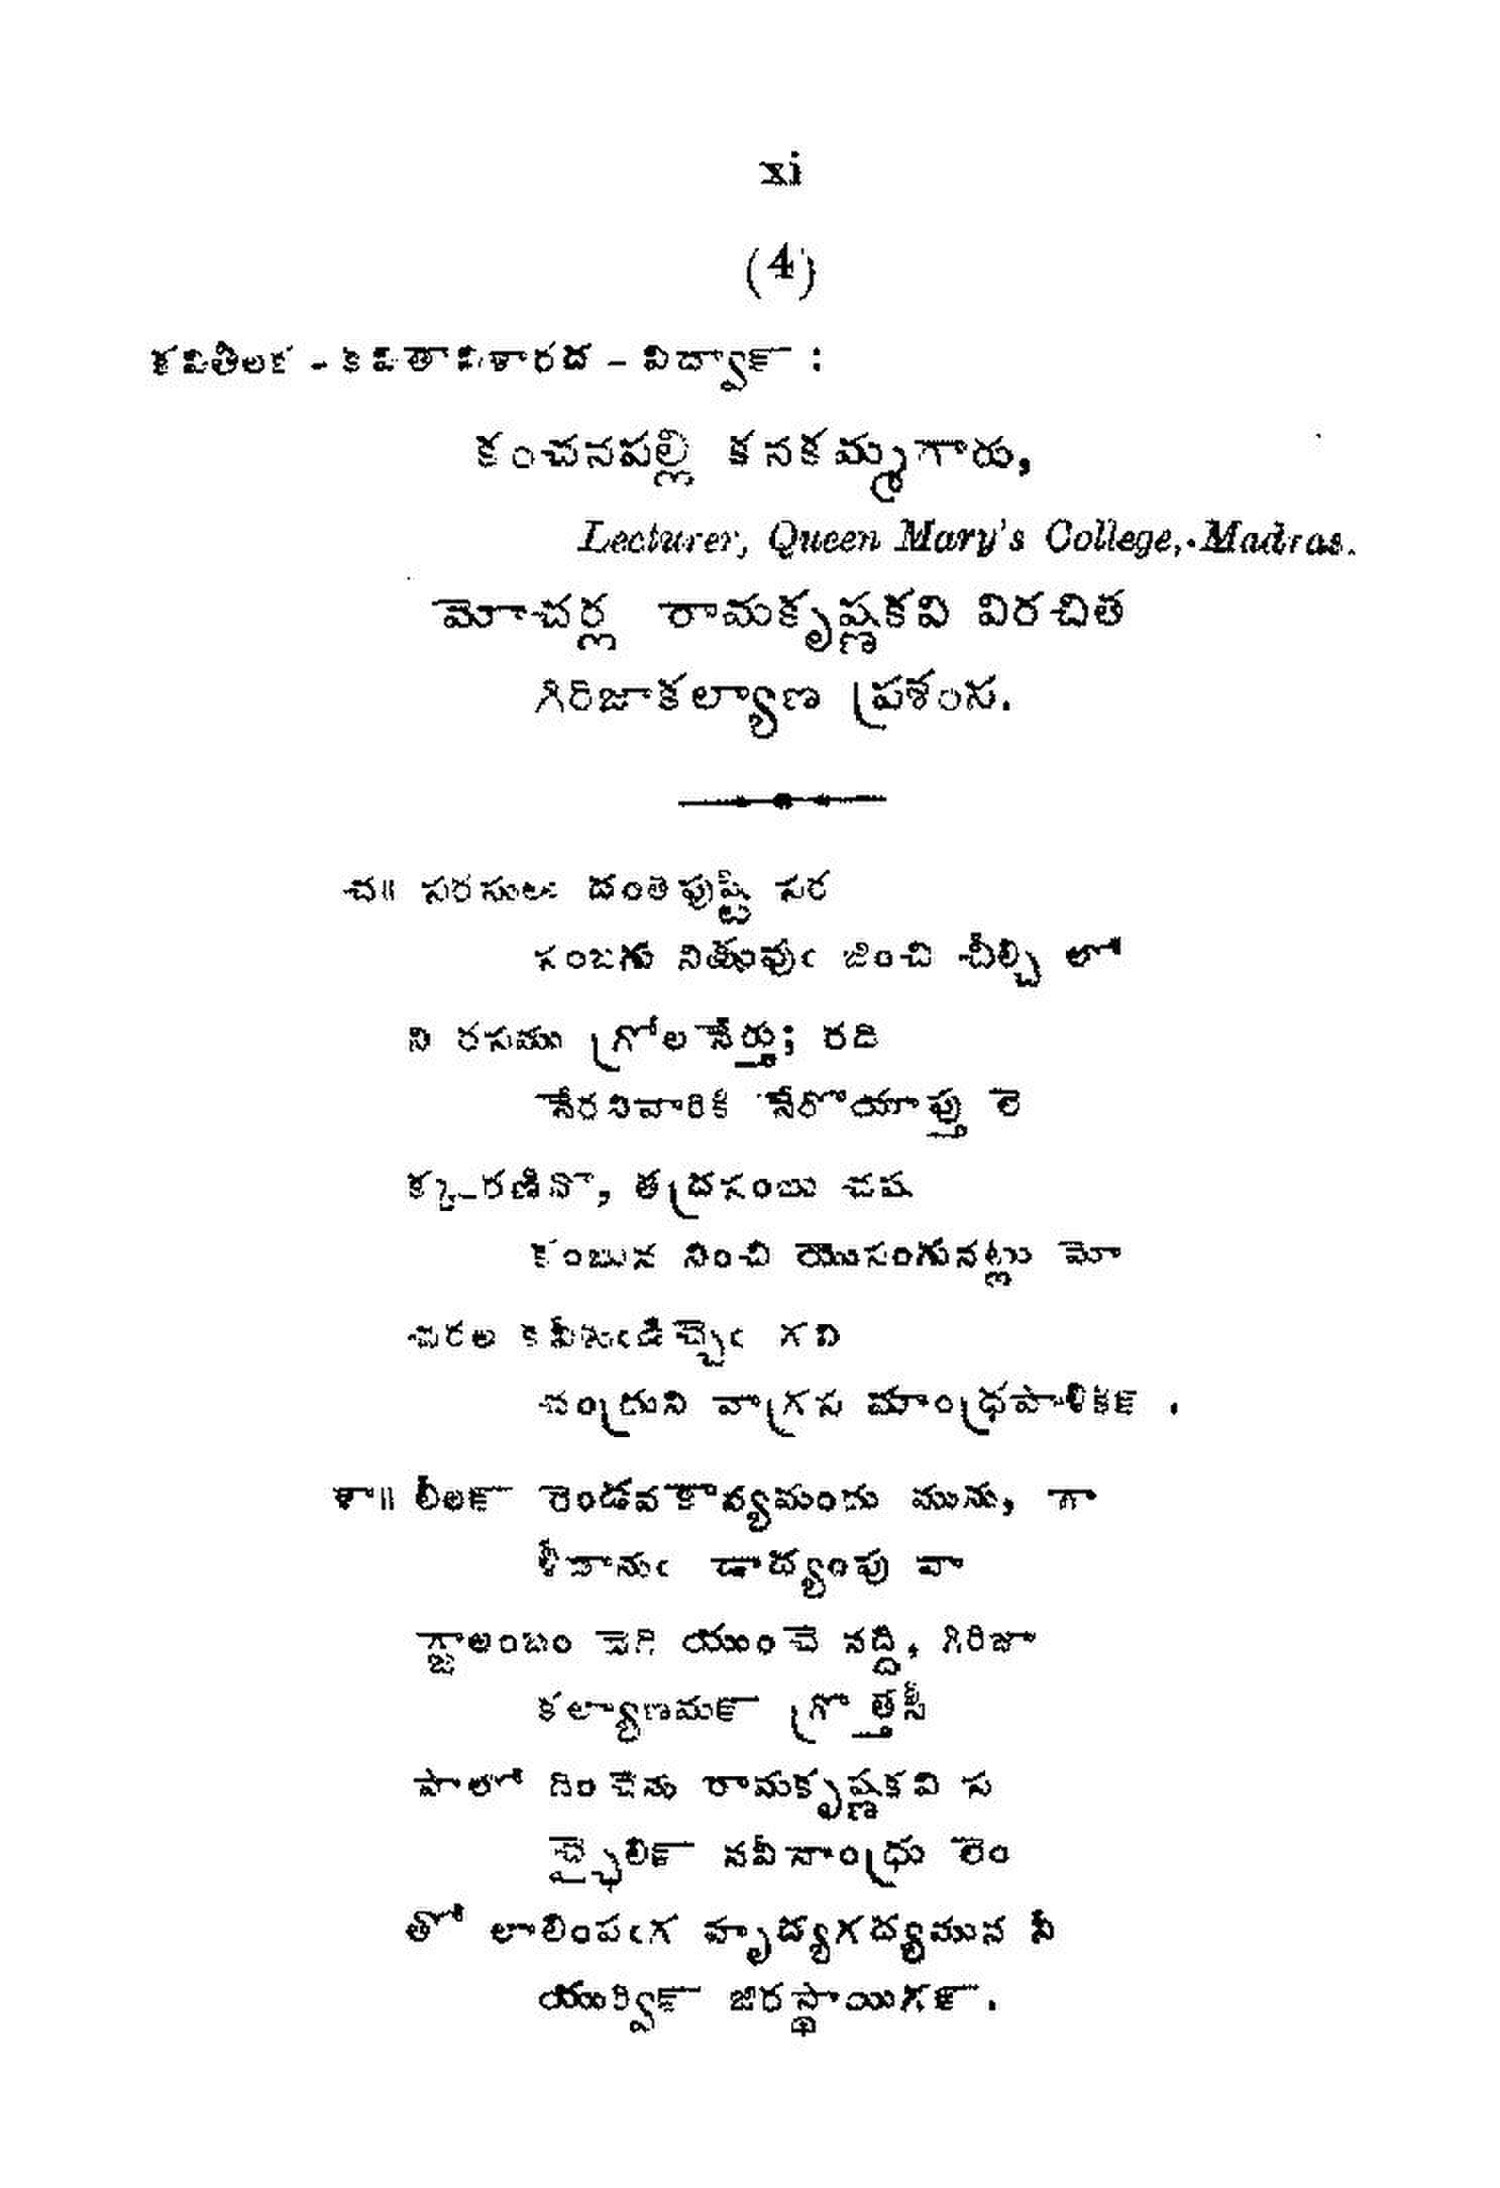కంచనపల్లి కనకమ్మగారు,

చ॥ సరసులు దంత పుష్టి సర
 సంబగు నిక్షువుఁ జించి చీల్చి లొ
ని రసము గ్రోల నేర్తు; రది
 నేరనివారికి నేరొయాప్తు లె
క్కరణివో, తద్రసంబు చష
 కంబున నించి యొసంగునట్లు మో
చీరల కవీశుఁడిచ్చెఁ గని
 చంద్రుని వాగ్రస మాంధ్రపాళికన్

శా॥ లీలన్ రెండవకావ్యమందు మును, గా
 ళీదానుఁ డాద్యంపు వా
గ్జాలంబం దెరి యుంచె నద్ది, గిరిజా
 కళ్యాణమన్ గ్రొత్తసీ
పాలో దించెను రామకృష్ణకవి స
 చ్చైలిన్ నవీనాంధ్రు లెం
తో లాలింపఁగ హృద్యగద్యమున నీ
 యుర్విన్ జిరస్థాయిగన్".